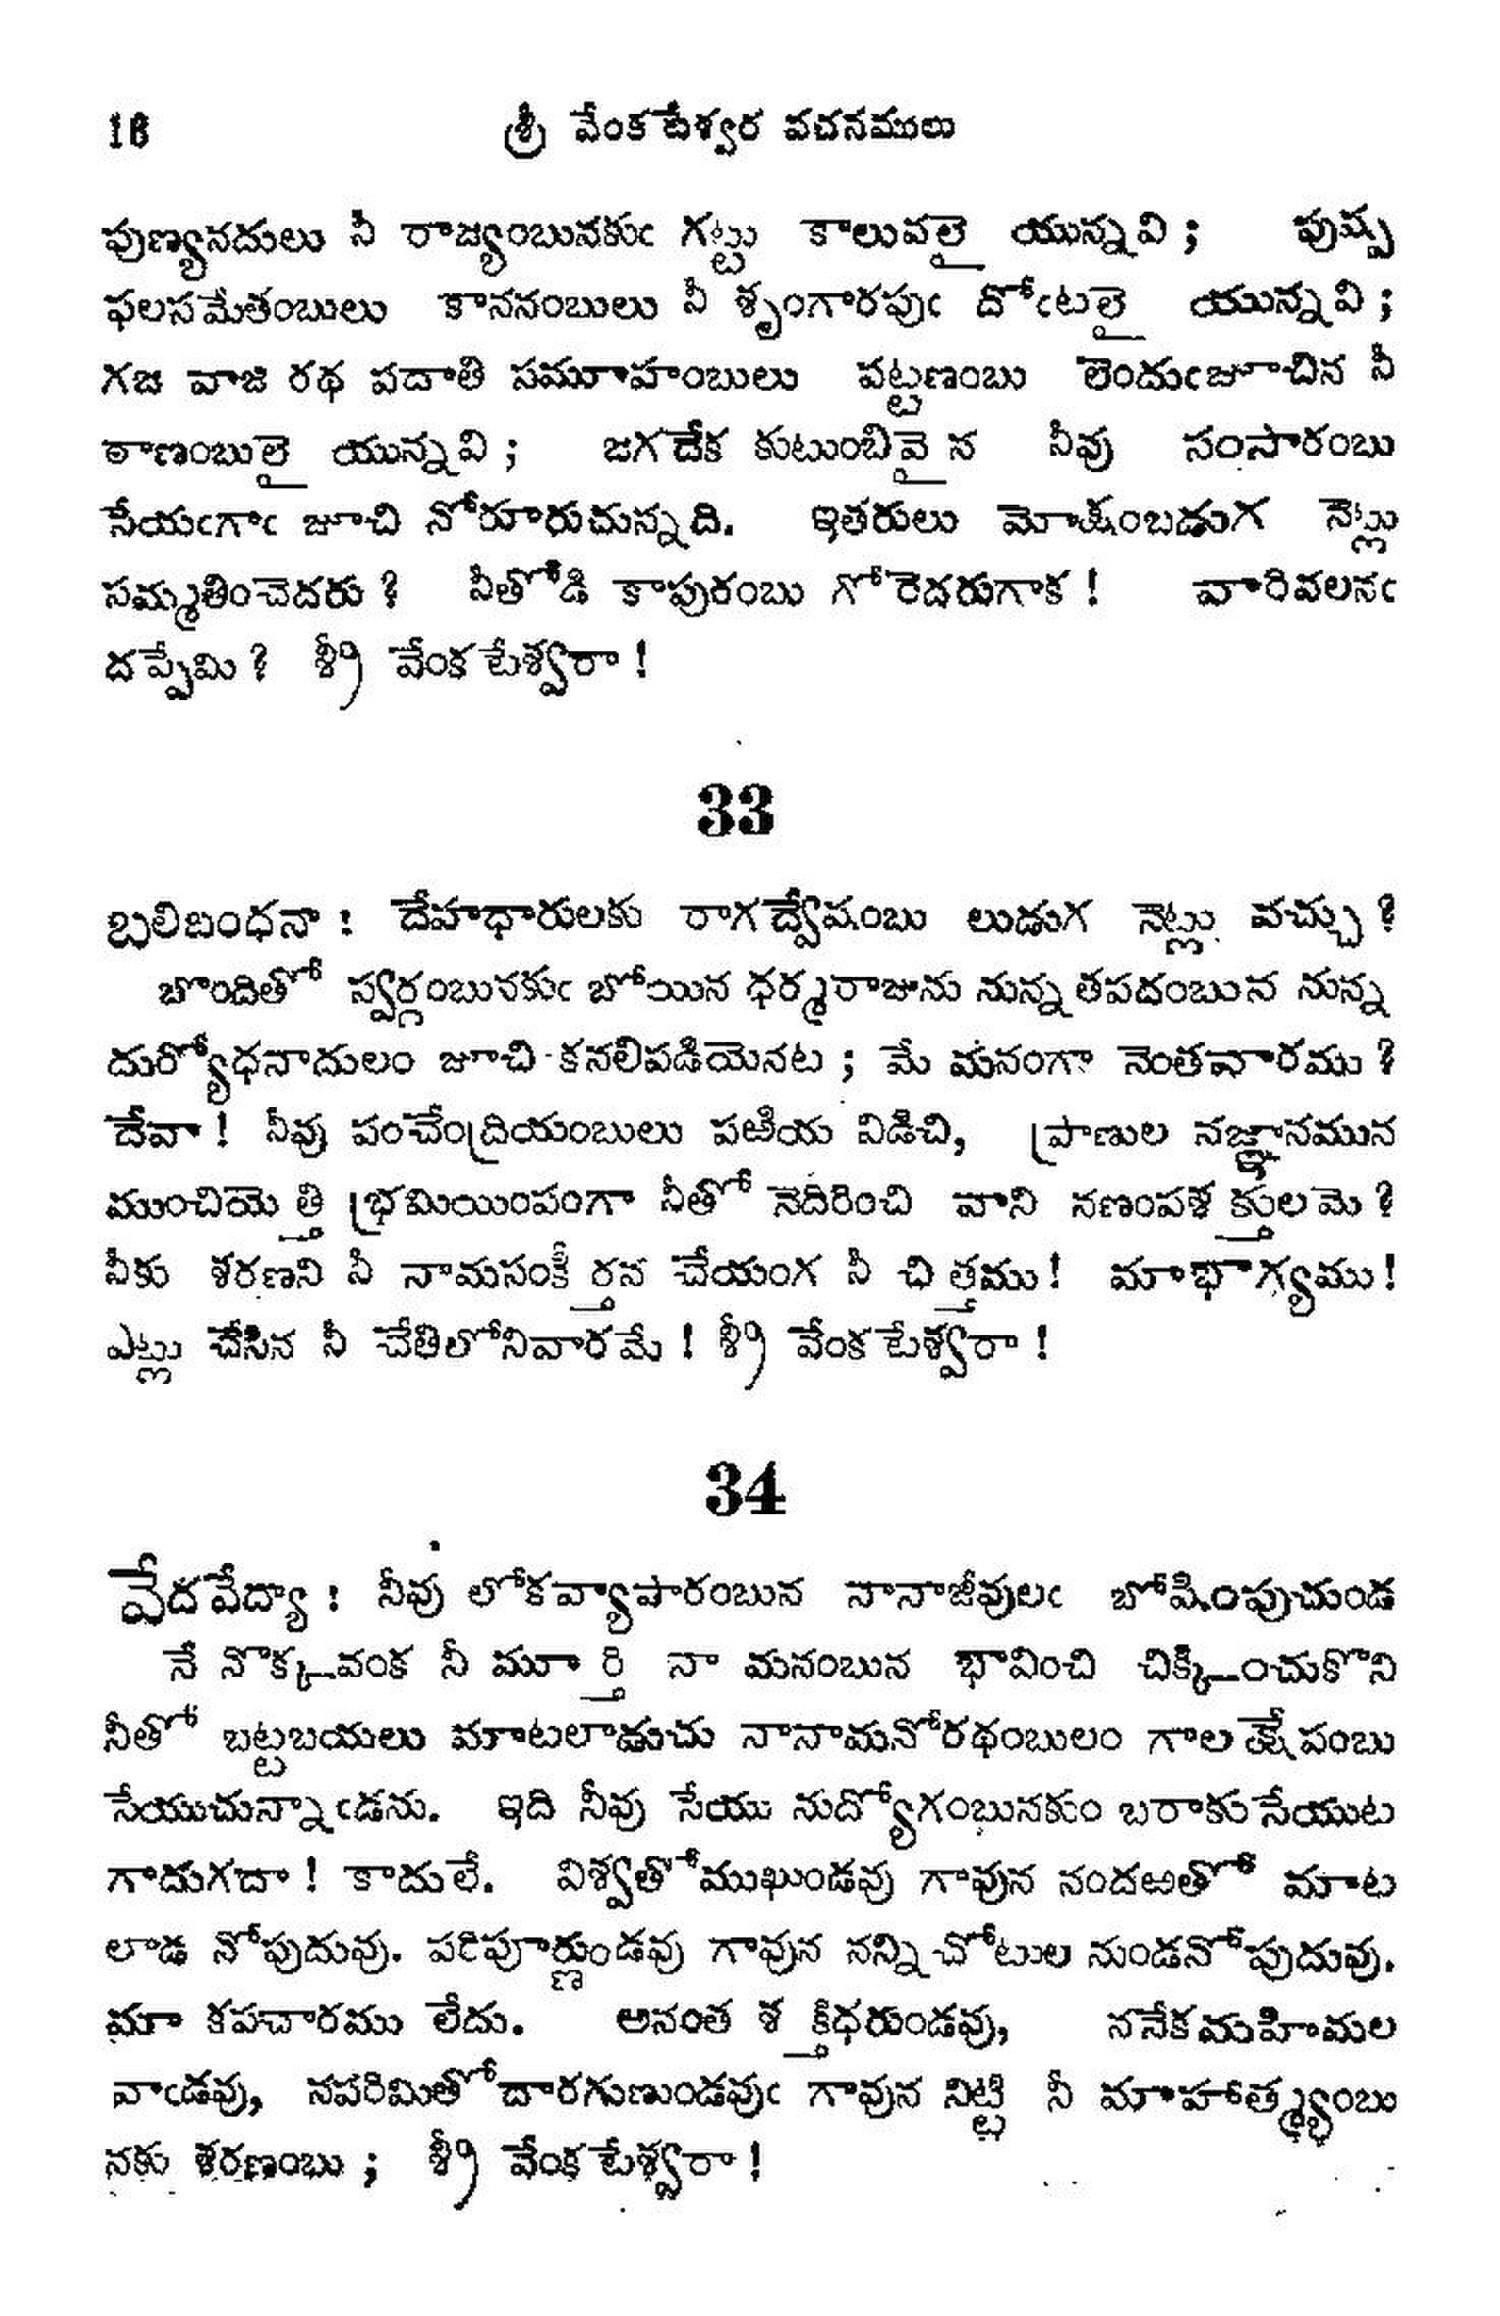పుణ్యనదులు నీ రాజ్యంబునకుఁ గట్టు కాలువలై యున్నవి; పుష్పఫలసమేతంబులు కాననంబులు నీ శృంగారపుఁ దోఁటలై యున్నవి; గజ వాజి రథ పదాతి సమూహంబులు పట్టణంబు లెందుఁజూచిన నీ ఠాణంబులై యున్నవి; జగదేక కుటుంబివైన నీవు సంసారంబు సేయఁగాఁ జూచి నోరూరుచున్నది. ఇతరులు మోక్షంబడుగ నెట్లు సమ్మతించెదరు? నీతోడి కాపురంబు గోరెదరుగాక! వారివలనం దప్పేమి? శ్రీ వేంకటేశ్వరా!

33

! దేహధారులకు రాగద్వేషంబు లుడుగ నెట్లు వచ్చు?
బొందితో స్వర్గంబునకుఁ బోయిన ధర్మరాజును నున్నతపదంబున నున్న దుర్యోధనాదులం జూచి కనలిపడియెనట; మే మనంగా నెంతవారము? దేవా! నీవు పంచేంద్రియంబులు పఱియ విడిచి, ప్రాణుల నజ్ఞానమున ముంచియెత్తి భ్రమియింపంగా నీతో నెదిరించి వాని నణంపశక్తులమె? నీకు శరణని నీ నామసంకీర్తన చేయంగ నీ చిత్తము! మాభాగ్యము! ఎట్లు చేసిన నీ చేతిలోనివారమే! శ్రీ వేంకటేశ్వరా!

34 

! నీవు లోకవ్యాపారంబున నానాజీవులఁ బోషింపుచుండ
నే నొక్కవంక నీ మూర్తి నా మనంబున భావించి చిక్కించుకొని నీతో బట్టబయలు మాటలాడుచు నానామనోరథంబులం గాలక్షేపంబు సేయుచున్నాఁడను. ఇది నీవు సేయు నుద్యోగంబునకుం బరాకుసేయుట గాదుగదా! కాదులే. విశ్వతోముఖుండవు గావున నందఱతో మాటలాడ నోపుదువు. పరిపూర్ణుండవు గావున నన్నిచోటుల నుండనోపుదువు. మా కపచారము లేదు. అనంత శక్తిధరుండవు, ననేకమహిమలవాఁడవు, నపరిమితోదారగుణుండవుఁ గావున నిట్టి నీ మాహాత్మ్యంబునకు శరణంబు; శ్రీ వేంకటేశ్వరా!